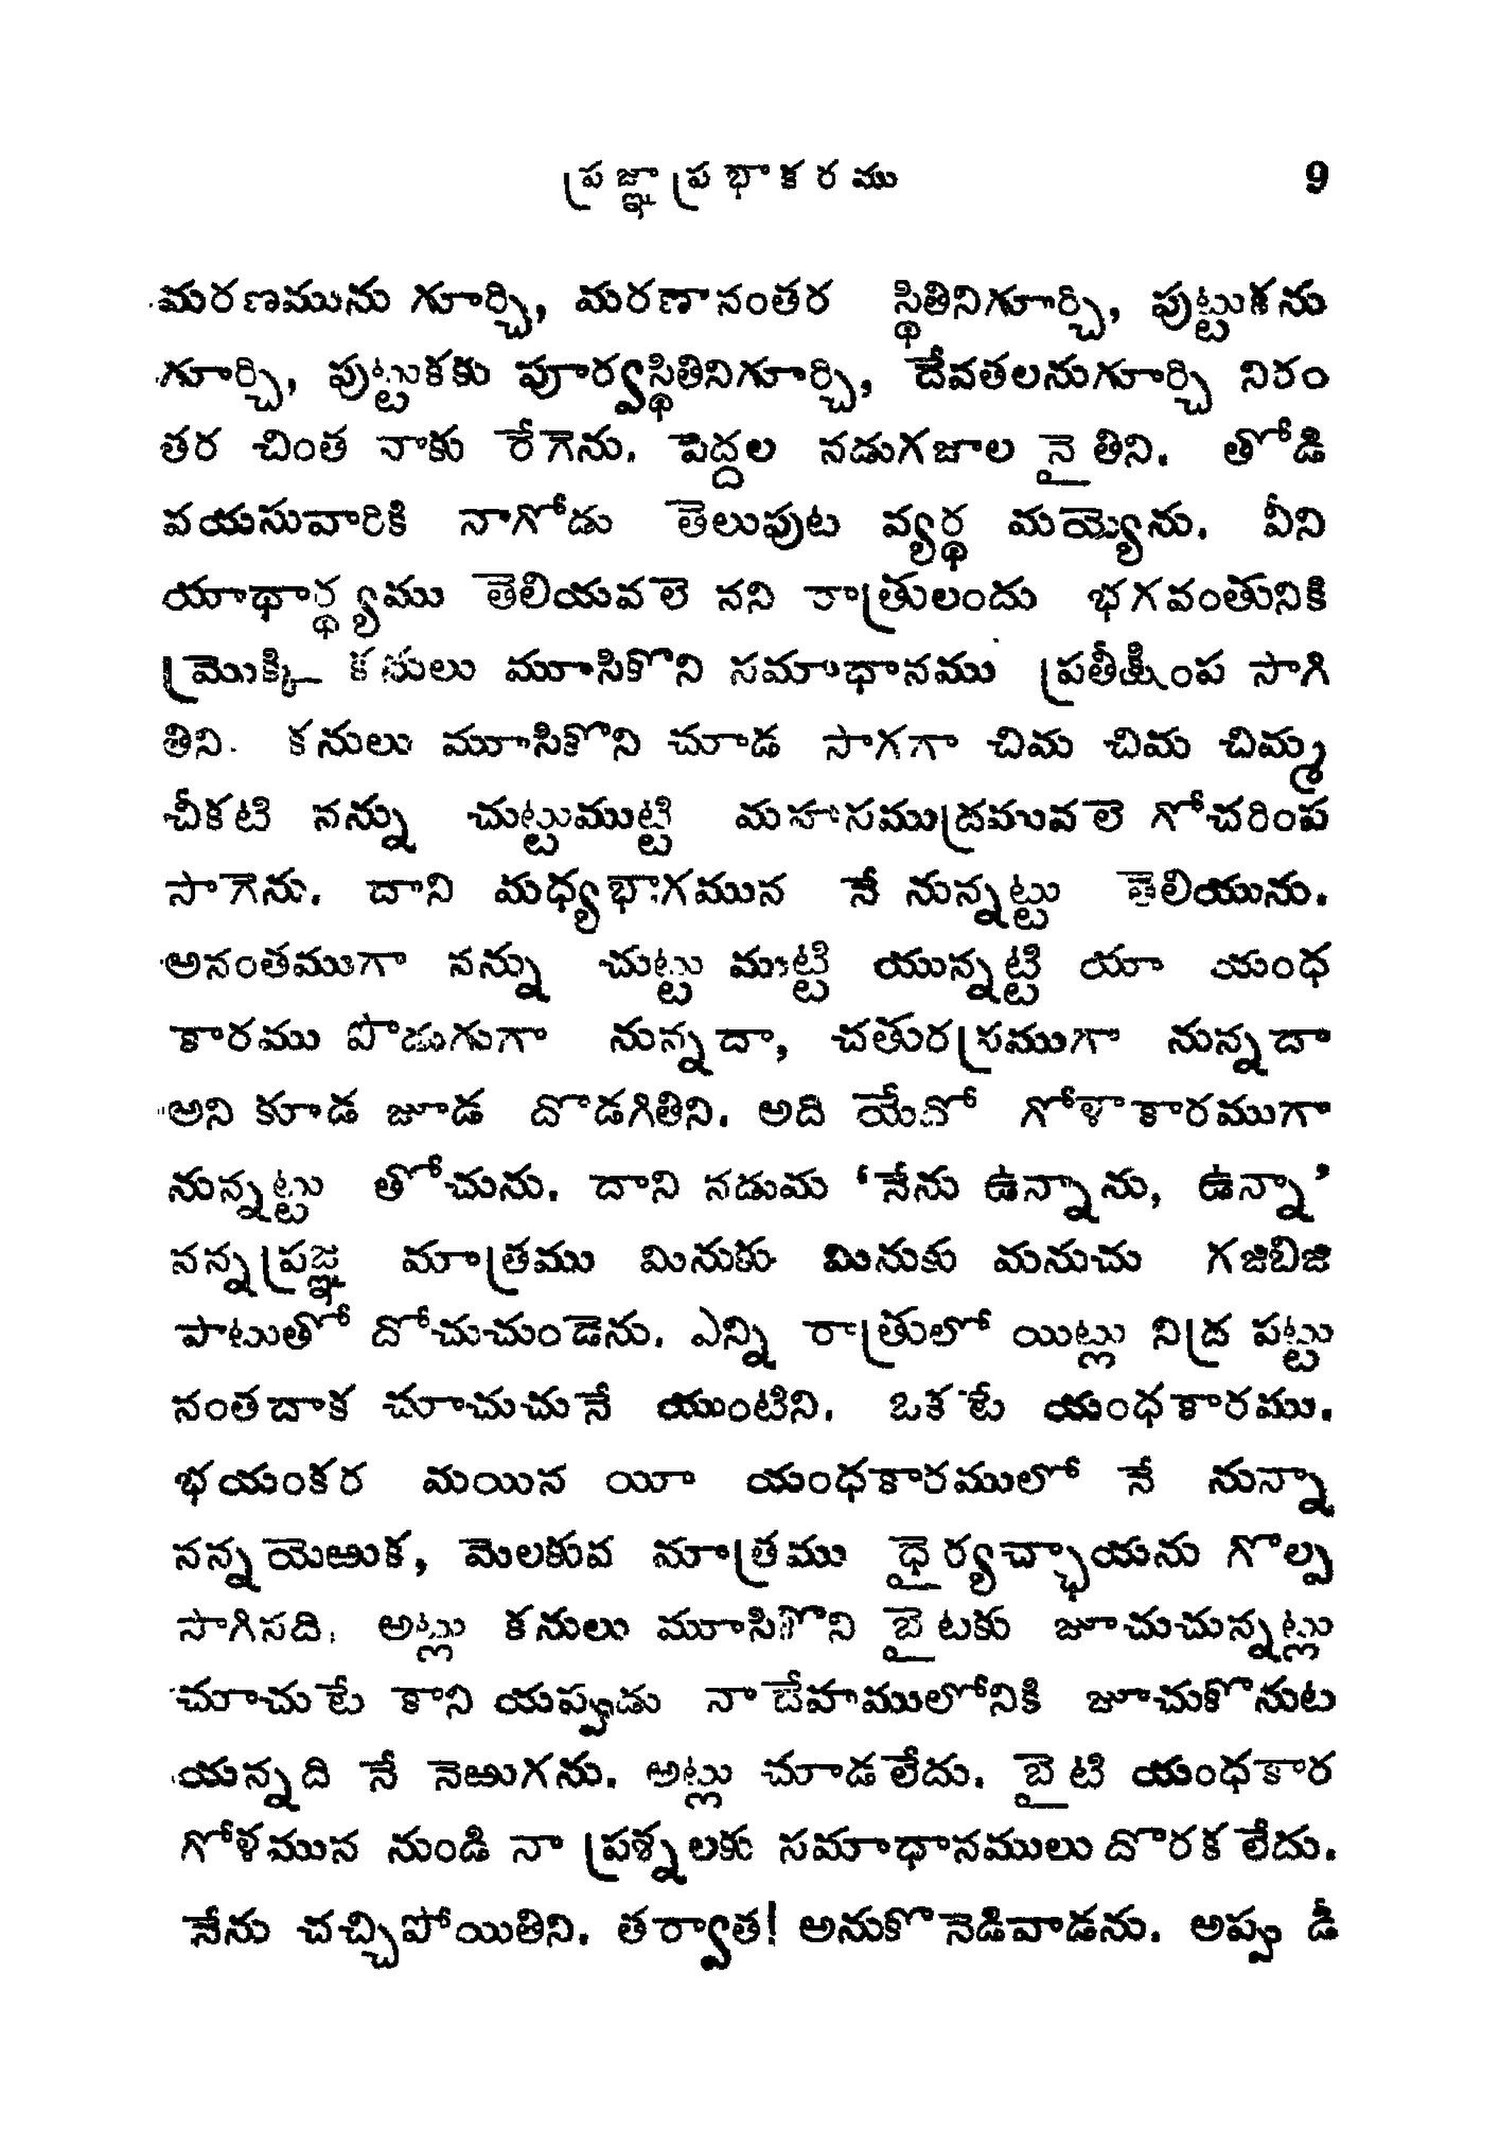మరణమును గూర్చి, మరణానంతర స్టితినిగూర్చి, పుట్టుకను గూర్చి పుట్టుకకు పూర్వ స్థితిని గూర్చి, దేవతలను గూర్చి నిరంతరం చింత నాకు రేగెను. పెద్దల నడుగాజాల నైతిని. తోడి వయసువారికి నా గోడు తెలుపుట వ్యర్ధమయ్యెను. వీని యాధార్ధ్యము తెలియవలె నని రాత్రులందు భగవంతునికి మ్రొక్కి కనులు మూసికొని చూడసాగగా చిమచిమ చిమ్మ చీకటి నన్ను చుట్టుముట్టి మహాసముద్రమువలె గోచరింప సాగాను. దాని మధ్య భాగమున నే నున్నట్టు తెలియును. అనంతముగా నన్ను చుట్టుముట్టి యున్నట్టి యా యంద కారము పొడుగుగా నున్నదా, చతురస్రముగా నున్నదా అని కూడ జూడ దొడగితిని. అది యేదో గోళాకారముగా నున్నట్టు తోచును. దాని నడుమ నేను ఉన్నాను, ఉన్నా నన్న ప్రజ్ఞ మాత్రము మినుకు మినుకు మనుచు గజిబిజి పాటుతో దోచుచుండెను. ఎన్ని రాత్రులో యిట్లు నిద్రపట్టు నంతదాక చూచుచునే యుంటిని. ఒకటే యంధకారము నే నున్నానన్న యెఱుక, మెలకువ మాత్రము ధైర్య చ్చాయను గొల్పసాగినది. అట్లు కనులు మూసికొని బైటను జుచుచున్నట్లు చూచుటే కాని యప్పుడు నా దేహములోనికి జూచుకోనుటకు యన్నది నే నెఱుగను? అట్లు చూడ లేదు. బైటి యంధకారగోళమున నుండి నా ప్రశ్నలకు సమాధానములు దొరకలేదు. నేను చచ్చిపోయితిని. తర్వాత! అనుకొనెడి వాడను. అప్పుడీ